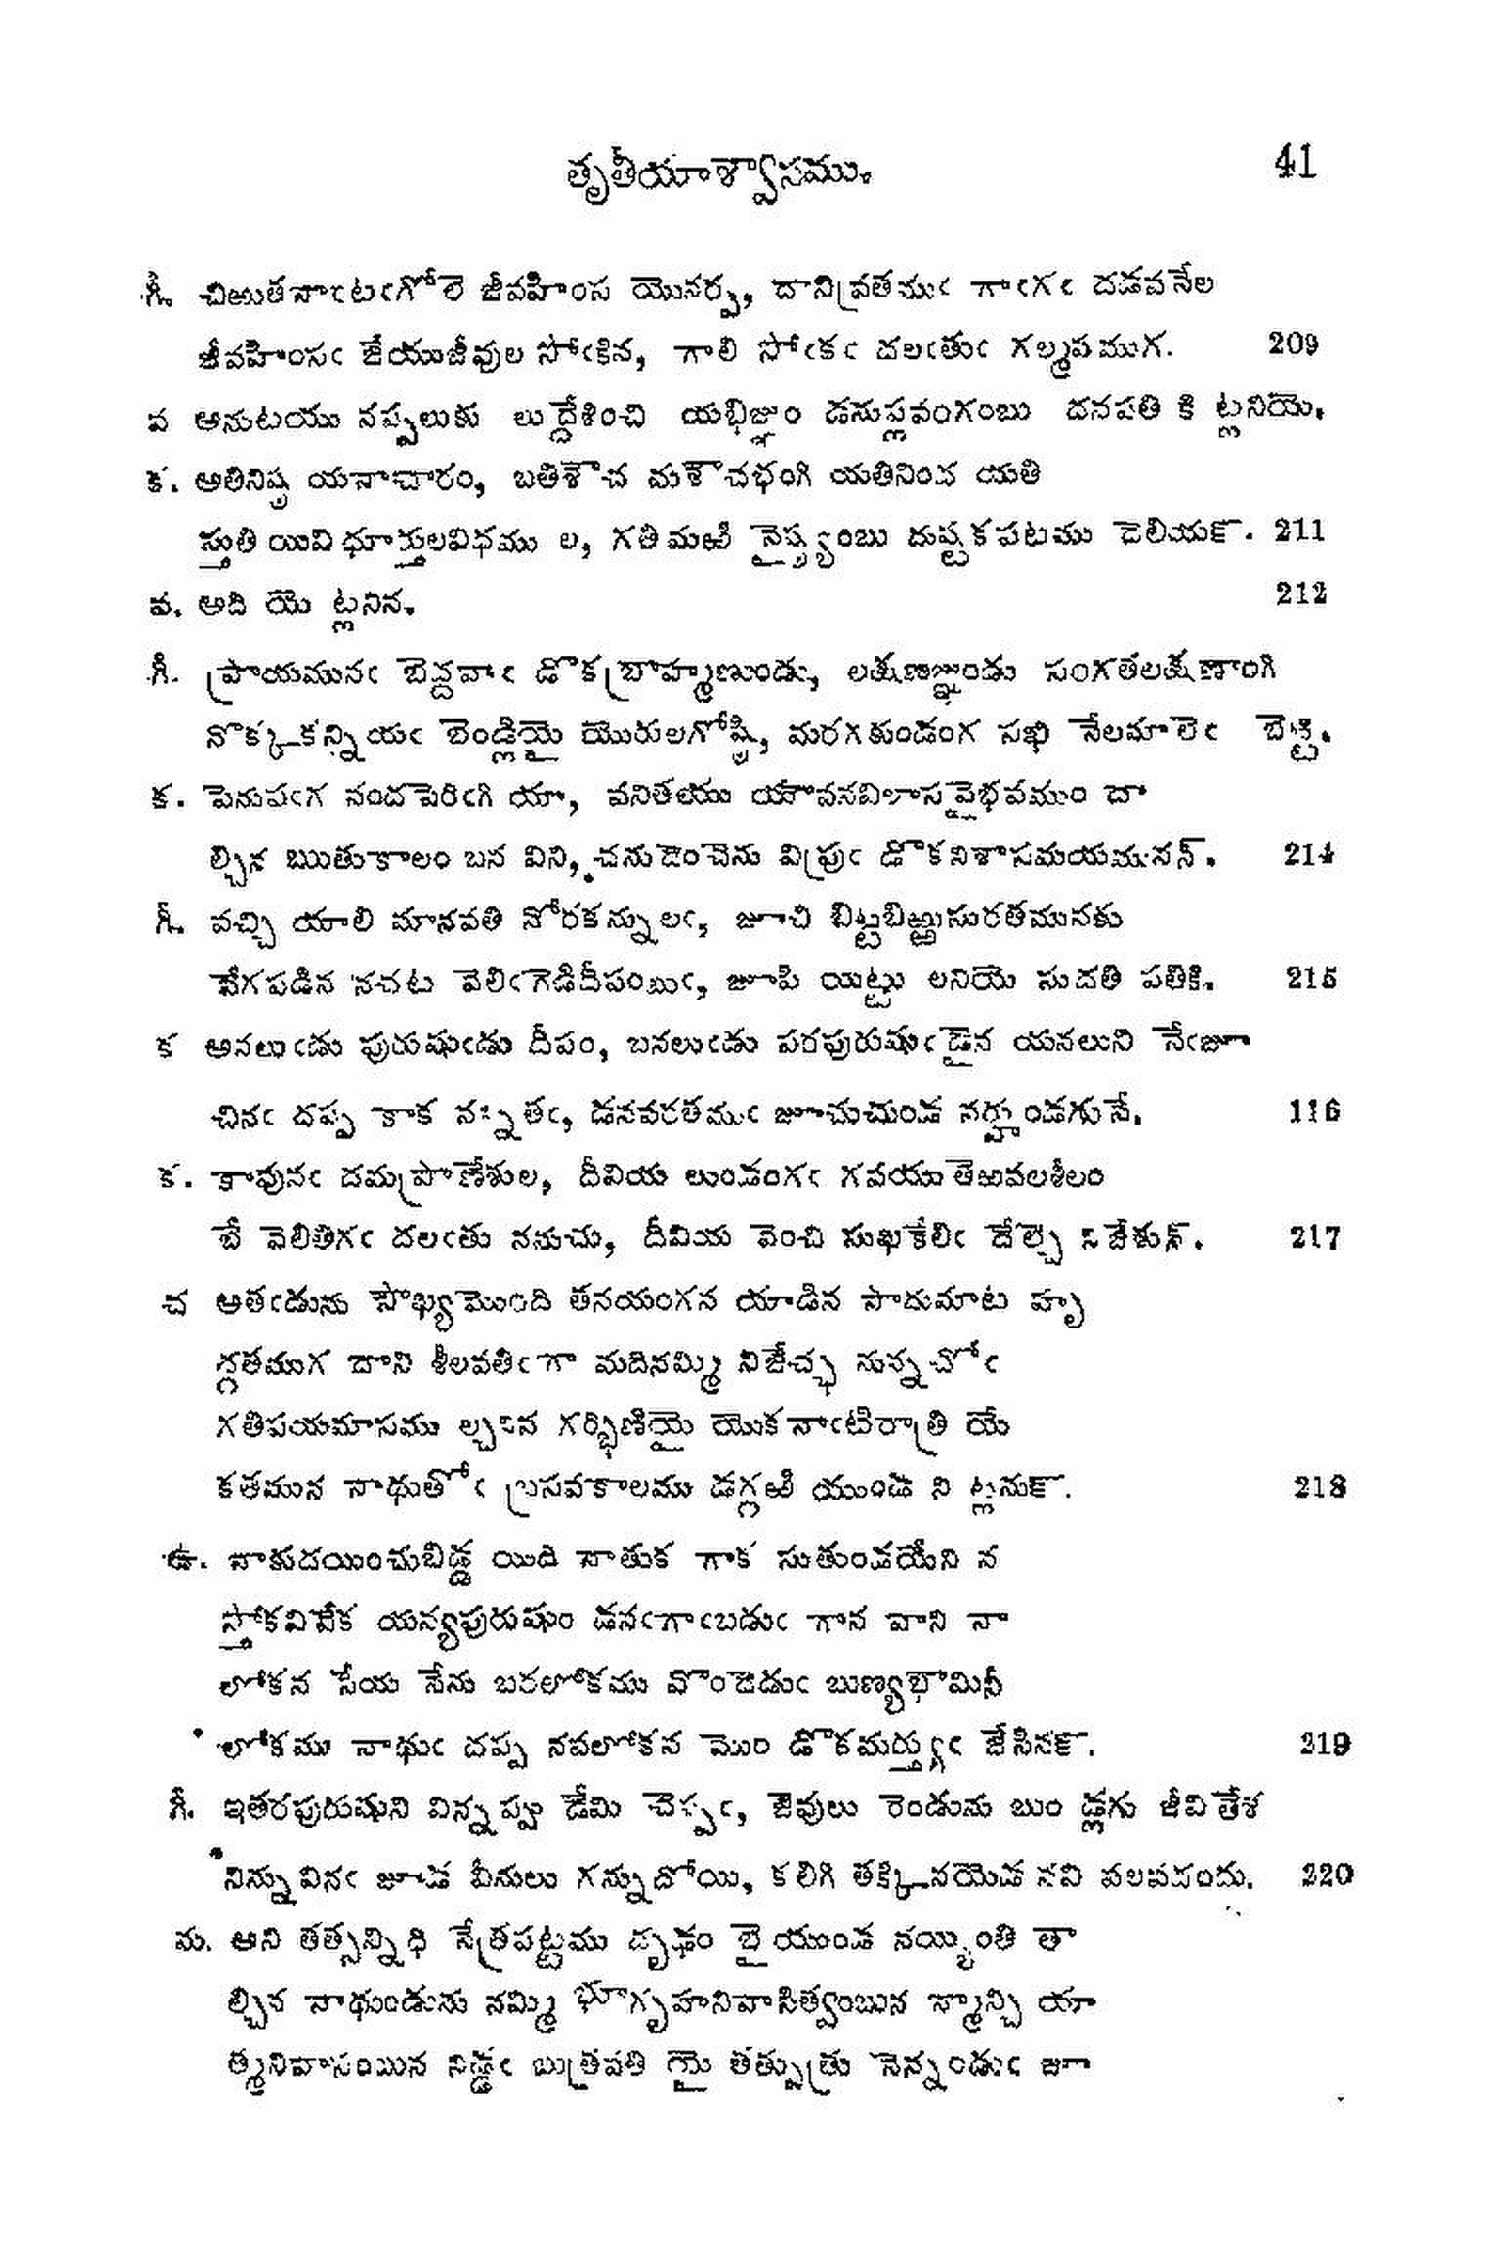గీ. చిఱుతనారటఁగోలె జీవహింస యొనర్ప, దానివ్రతముఁ గాఁగఁ దడవనేల
 జీవహింసఁ జేయుజీవుల సోఁకిన, గాలి సోఁకఁ దలఁతుఁ గల్మషముగ.
వ. అనుటయు నప్పలుకు లుద్దేశించి యభిజ్ఞుం డనుప్లవంగంబు దనపతి కి ట్లనియె.
క. అతినిష్ఠ యనాచారం, బతిశౌచ మశౌచభంగి యతినింద యతి
 స్తుతి యివి ధూర్తులవిధము ల, గతి మఱి నైష్ఠ్యంబు దుష్టకపటము దెలియన్.
వ. అది యె ట్లనిన.
గీ. ప్రాయమునఁ బెద్దవాఁ డొకబ్రాహ్మణుండు, లక్ష్మణజ్ఞుండు సంగతలక్షణాంగి
 నొక్కకన్నియఁ బెండ్లియై యొరులగోష్ఠి, మరగకుండంగ సఖి నేలమాలెఁ బెట్టి.
క. పెనుపఁగ నందపెరిఁగి యా, వనితయు యౌవనవిలాసవైభవముం దా
 ల్చిన ఋతుకాలం బన విని, చనుదెంచెను విప్రుఁ డొకనిశాసమయమునన్.
గీ. వచ్చి యాలి మానవతి నోరకన్నులఁ, జూచి బిట్టబిఱ్ఱుసురతమునకు
 వేగపడిన నచట వెలిఁగెడిదీపంబుఁ, జూపి యిట్టు లనియె సుదతి పతికి.
క. అనలుఁడు పురుషుఁడు దీపం, బనలుఁడు పరపురుషుఁడైన యనలుని నేఁజూ
 చినఁ దప్ప కాక నన్నతఁ, డనవరతముఁ జూచుచుండ నర్హుండగునే.
క. కావునఁ దమ ప్రాణేశుల, దీనియ లుండంగఁ గవయు తెఱవలశీలం
 బే వెలితిగఁ దలఁతు ననుచు, దీవియ వెంచి సుఖకేలిఁ దేల్చె నిజేశున్.
చ. అతఁడును సౌఖ్య మొంది తనయంగన యాడిన సాదుమాట హృ
 ద్గతముగ దాని శీలవతిఁగా మదినమ్మి నిజేచ్ఛ నున్నచో
 గతిపయమాసము ల్చనిన గర్భిణియై యొకనాఁటిరాత్రి యే
 కతమున నాథుతోఁ బ్రసవకాలము డగ్గఱి యుండి ని ట్లనున్.
ఉ. నా కుదయించుబిడ్డ యిది నాతుక గాక సుతుండయేని న
 స్తోకవివేక యన్యపురుషుం డనఁగాఁబడుఁ గాన వాని నా
 లోకన సేయ నేను బరలోకము వొందెడుఁ బుణ్యభామినీ
 లోకము నాథుఁ దప్ప నవలోకన మొం డొకమర్త్యుఁ జేసినన్.
గీ. ఇతరపురుషుని విన్నప్పు డేమి చెప్పఁ, జెవులు రెండును బుం డ్లగు జీవితేశ
 నిన్ను వినఁ జూడ వీనులు గన్నుదోయి, కలిగి తక్కినయెడ నవి వలవదందు.
మ. అని తత్సన్నిధి నేత్రపట్టము దృఢం బై యుండ నయ్యింతి తా
 ల్చిన నాథుండును నమ్మి భూగృహనివాసిత్వంబున న్మాన్చి యా
 త్మనివాసంబున నిడ్డఁ బుత్రవతి యై తత్పుత్రు నెన్నండుఁ జూ